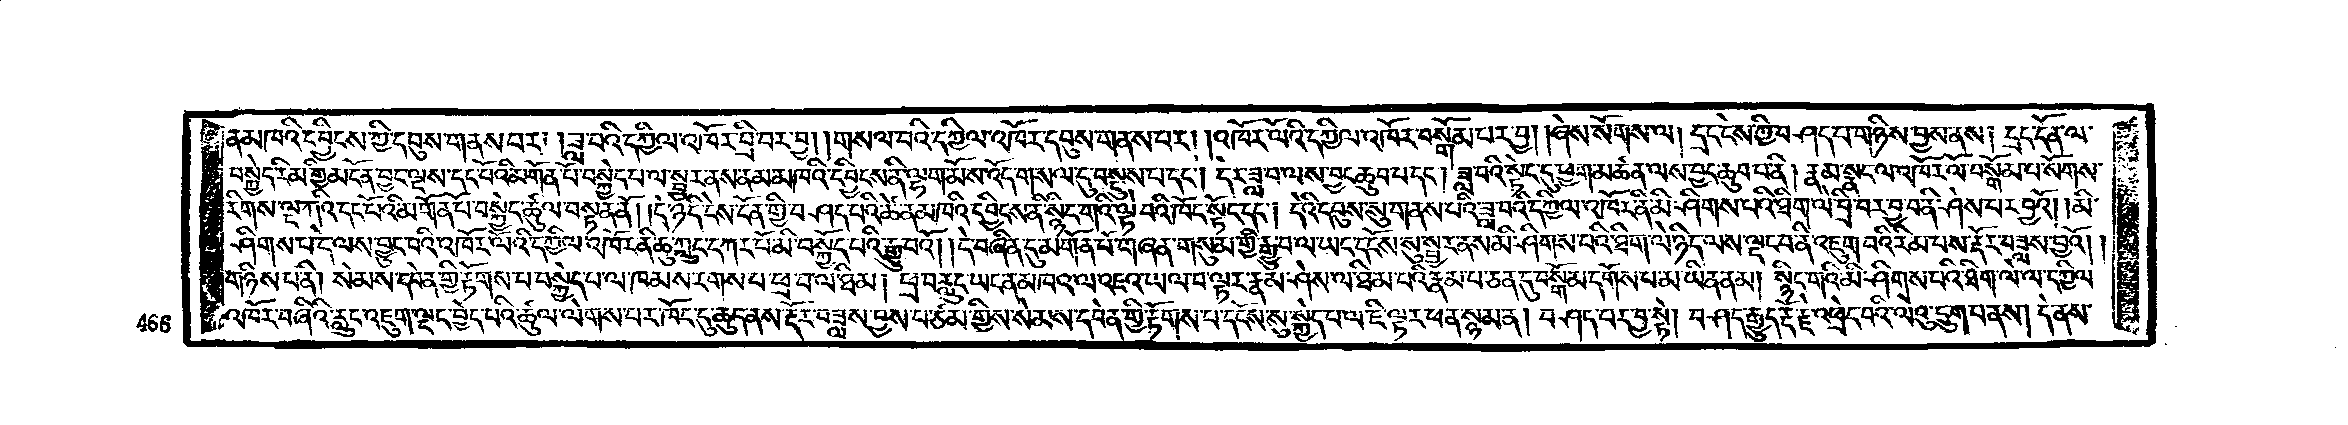ནམ་མཁའི་དབྱིངས་ཀྱི་དབུས་གནས་པར། །ཟླ་བའི་དཀྱིལ་འཁོར་བྲི་བར་བྱ། །གསལ་བའི་དཀྱིལ་འཁོར་དབུས་གནས་པར། །འཁོར་ལོའི་དཀྱིལ་འཁོར་བསྒོམ་པར་བྱ། །ཞེས་སོགས་ལ། དྲང་ངེས་ཀྱི་བཤད་པ་གཉིས་བྱས་ནས། དྲང་དོན་ལ་
བསྐྱེད་རིམ་གྱི་མངོན་བྱང་ལྔས་དང་པོའི་མགོན་པོ་བསྐྱེད་པ་ལ་སྦྱར་ནས་ནམ་མཁའི་དབྱིངས་ནི་ལྷག་མོས་འོད་གསལ་དུ་བསྡུས་པ་དང་། དེར་ཟླ་བ་ལས་བྱང་ཆུབ་པ་དང་། ཟླ་བའི་སྟེང་དུ་ཕྱག་མཚན་ལས་བྱང་ཆུབ་པ་ནི། རྣམ་སྣང་ལ་འཁོར་ལོ་བསྒོམ་པ་སོགས་
རིགས་ལྔ་ཀའི་དང་པོའི་མགོན་པོ་བསྐྱེད་ཚུལ་བསྟན་ནོ། །དེ་ཉིད་ངེས་དོན་གྱི་བཤད་པའི་ཚེ་ནམ་མཁའི་དབྱིངས་ནི་སྙིང་གའི་ལྟེ་བའི་ཁོང་སྟོང་དང་། དེའི་དབུས་སུ་གནས་པའི་ཟླ་བའི་དཀྱིལ་འཁོར་ནི་མི་ཤིགས་པའི་ཐིག་ལེ་བྲི་བར་བྱ་བ་ནི་ཤེས་པར་བྱའོ། །མི་
ཤིགས་པ་དེ་ལས་བྱུང་བའི་འཁོར་ལོའི་དཀྱིལ་འཁོར་ནི་ཆུ་ཀླུང་དཀར་པོ་མི་བསྐྱོད་པའི་རྒྱུ་བའོ། །དེ་བཞིན་དུ་མགོན་པོ་གཞན་གསུམ་གྱི་རྒྱུ་བ་ལ་ཡང་དངོས་སུ་སྦྱར་ནས་མི་ཤིགས་པའི་ཐིག་ལེ་ཉིད་ལས་ལྡང་བ་ནི་འཇུག་པའི་རིམ་པས་རྡོར་བཟླས་བྱའོ། །
གཉིས་པ་ནི། སེམས་དབེན་གྱི་རྟོགས་པ་བསྐྱེད་པ་ལ་ཁམས་རིགས་པ་ཕྲ་བ་ལ་ཐིམ། ཕྲ་བ་རླུང་ཡང་ནམ་མཁའ་ལ་འཇའ་ཡལ་བ་ལྟར་རྣམ་ཤེས་ལ་ཐིམ་པའི་རྣམ་པ་ཅན་དུ་བསྒོམ་དགོས་པ་མ་ཡིན་ནམ། སྙིང་གའི་མི་ཤིགས་པའི་ཐིག་ལེ་ལ་དཀྱིལ་
འཁོར་བཞིའི་རླུང་འཇུག་ལྡང་བྱེད་པའི་ཚུལ་ལེགས་པར་ཁོང་དུ་ཆུད་ནས་རྡོར་བཟླས་བྱས་པ་ཙམ་གྱིས་སེམས་དབེན་གྱི་རྟོགས་པ་དངོས་སུ་སྐྱེད་པ་ལ་ཇི་ལྟར་ཕན་སྙམ་ན། བཤད་པར་བྱ་སྟེ། བཤད་རྒྱུད་རྡོ་རྗེ་འཕྲེང་བའི་ལེའུ་དྲུག་པ་ནས། དེ་ནས་